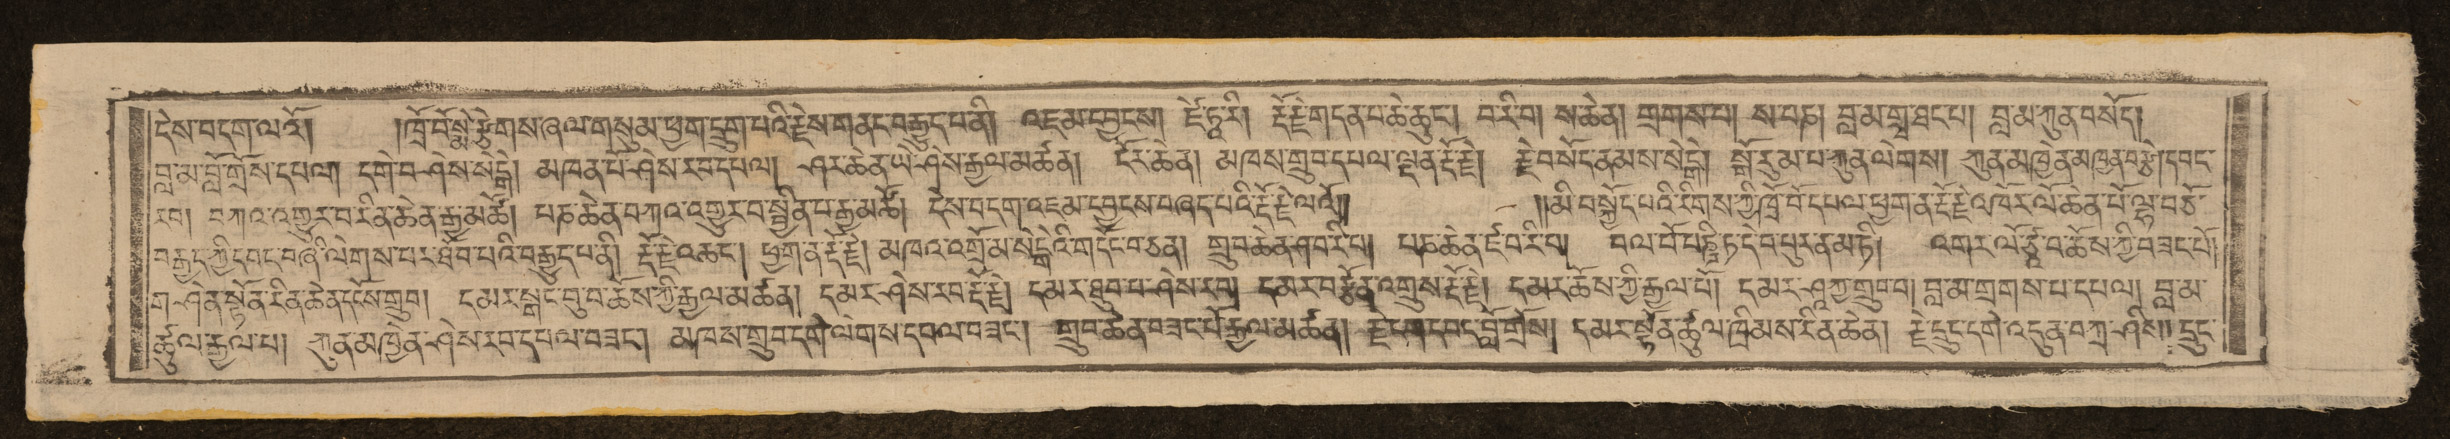དེས་བདག་ལའོ། །ཁྲོ་བོ་སྨྲེ་རྩེགས་ཞལ་གསུམ་ཕྱག་དྲུག་པའི་རྗེས་གནང་བརྒྱུད་པ་ནི། འཇམ་དབྱངས། ཛེ་ཏཱ་རི། རྡོ་རྗེ་གདན་པ་ཆེ་ཆུང་། བ་རི་བ། ས་ཆེན། གྲགས་པ། ས་པཎ། བླ་མ་གྲྭ་ཐང་པ། བླ་མ་ཀུན་བསོད།
བླ་མ་བློ་གྲོས་དཔལ། དགེ་བཤེས་སེངྒེ། མཁན་པོ་ཤེས་རབ་དཔལ། ཤར་ཆེན་ཡེ་ཤེས་རྒྱལ་མཚན། ངོར་ཆེན། མཁས་གྲུབ་དཔལ་ལྡན་རྡོ་རྗེ། རྗེ་བསོད་ནམས་སེངྒེ། སྒོ་རུམ་པ་ཀུན་ལེགས། ཀུན་མཁྱེན་མཁྱན་བརྩེ། དབང་
རབ། བཀའ་འགྱུར་བ་རིན་ཆེན་རྒྱ་མཚོ། པཎ་ཆེན་བཀའ་འགྱུར་བ་སྦྱིན་པ་རྒྱ་མཚོ། དེས་བདག་འཇམ་དབྱངས་བཞད་པའི་རྡོ་རྗེ་ལའོ།། །།མི་བསྐྱོད་པའི་རིགས་ཀྱི་ཁྲོ་བོ་དཔལ་ཕྱག་ན་རྡོ་རྗེ་འཁོར་ལོ་ཆེན་པོ་ལྷ་བཅོ་
བརྒྱད་ཀྱི་དབང་བཞི་ལེགས་པར་ཐོབ་པའི་བརྒྱུད་པ་ནི། རྡོ་རྗེ་འཆང་། ཕྱག་ན་རྡོ་རྗེ། མཁའ་འགྲོ་མ་སེངྒེའི་གདོང་བ་ཅན། གྲུབ་ཆེན་ཤ་བ་རི་པ། པཎ་ཆེན་ཛ་བ་རི་པ། བལ་པོ་པཎྜི་ཏ་དེ་བ་ཕུར་ན་མ་ཏི། འགར་ལོ་ཙཱ་བ་ཆོས་ཀྱི་བཟང་པོ།
གཤེན་སྟོན་རིན་ཆེན་དངོས་གྲུབ། དམར་སྒང་བུ་བ་ཆོས་ཀྱི་རྒྱལ་མཚན། དམར་ཤེས་རབ་རྡོ་རྗེ། དམར་ཐུབ་པ་ཤེས་རབ། དམར་བརྩོན་འགྲུས་རྡོ་རྗེ། དམར་ཆོས་ཀྱི་རྒྱལ་པོ། དམར་ཤཱཀྱ་གྲུབ་པ། བླ་མ་གྲགས་པ་དཔལ། བླ་མ་
ཚུལ་རྒྱལ་པ། ཀུན་མཁྱེན་ཤེས་རབ་དཔལ་བཟང་། མཁས་གྲུབ་དགེ་ལེགས་དཔལ་བཟང་། གྲུབ་ཆེན་བཟང་པོ་རྒྱལ་མཚན། རྗེ་ངག་དབང་བློ་གྲོས། དམར་སྟོན་ཚུལ་ཁྲིམས་རིན་ཆེན། རྗེ་དྲུང་དགེ་འདུན་བཀྲ་ཤིས། དྲུང་